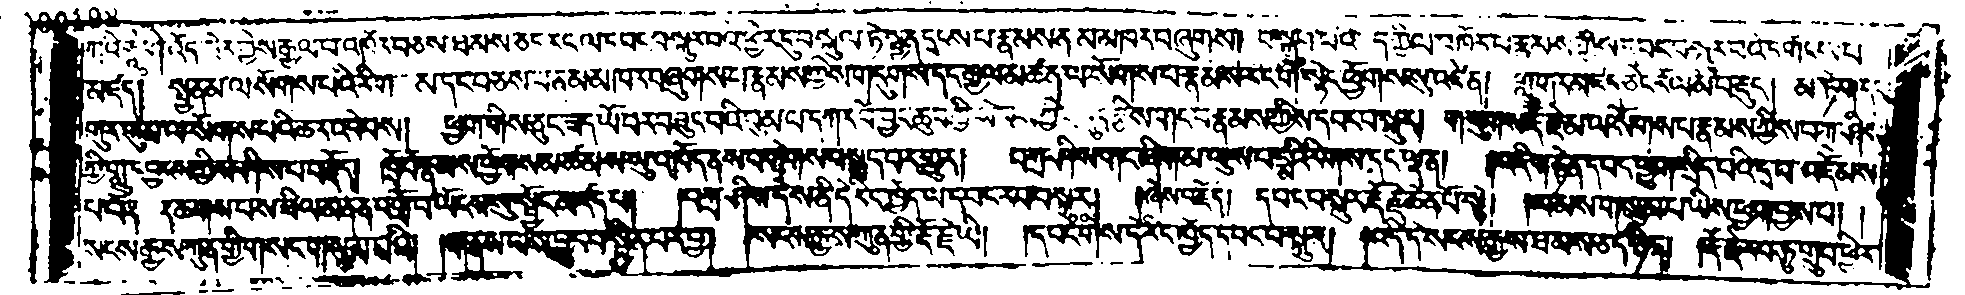ཀའི་ཧཱུཾ་གི་འོད་ཟེར་གྱིས་རྒྱལ་བ་འཁོར་བཅས་ཐམས་ཅད་རང་ལ་དབང་བསྐུར་བའི་ཕྱིར་དུ་བསྐུལ་ཏེ་སྤྱན་དྲངས་པ་རྣམས་ན་མ་མཁར་བཞུགས། བསྒྲུབ་པའི་དཀྱིལ་འཁོར་པ་རྣམས་ཀྱིས་དབང་བསྐུར་བའི་དགོངས་པ་
མཛད། སྤྱན་མ་ལ་སོགས་པའི་རིག་མ་དང་བཅས་པ་ནམ་མཁར་བཞུགས་པ་རྣམས་ཀྱིས་གདུགས་དང་རྒྱལ་མཚན་ལ་སོགས་པ་རྣམས་རང་གི་སྟེང་ཕྱོགས་སུ་འཛིན། གླུ་གར་མཛད་ཅིང་རོལ་མོ་བརྡུང་། མ་ཏོག་དང་
གུར་གུམ་ལ་སོགས་པའི་ཆར་འབེབས། ཕྱག་གིས་ཅུང་ཟད་ཡོ་བར་བཟུང་བའི་བུམ་པ་དཀར་པོ་བྱང་ཆུབ་ཀྱི་སེམས་ཀྱི་བདུད་རྩིས་གང་བ་རྣམས་ཀྱིས་དབང་བསྐུར། གཟུགས་རྡོ་རྗེ་མ་ལ་སོགས་པ་རྣམས་ཀྱིས་བཀྲ་ཤིས་
ཀྱི་གླུ་དབྱངས་ཀྱིས་ཤིས་པ་བརྗོད། ཁྲོ་བོ་རྣམས་ཕྱོགས་མཚམས་སུ་འཁོད་ནས་བགེགས་བསྐྲད་བར་གྱུར། བཀྲ་ཤིས་གང་ཞིག་མ་ལུས་པདམའི་རིགས་དང་ལྡན། །འཇིག་རྟེན་དབང་ཕྱུག་སྲིད་བའི་དྲ་བ་འཇོམས་
པ་བོ༑ ༑ཆགས་པས་ཟིལ་མནན་འགྲོ་བ་ཡོངས་སུ་སྦྱོང་མཛད་པ། །བཀྲ་ཤིས་དེས་ནི་དེ་རིང་ཁྱོད་ལ་དབང་རབ་བསྐུར། །ཞེས་བརྗོད། དབང་བསྐུར་རྡོ་རྗེ་ཆེན་པོ་སྟེ། །ཁམས་གསུམ་པ་ཡིས་ཕྱག་བྱས་པ། །
སངས་རྒྱས་ཀུན་གྱི་གསང་གསུམ་པའི། །གནས་ལས་བྱུང་བ་སྦྱིན་པར་བྱ། །སངས་རྒྱས་ཀུན་གྱི་རྡོ་རྗེ་ཡི། །དབང་གིས་དེ་རིང་ཁྱོད་དབང་བསྐུར། །འདི་དེ་སངས་རྒྱས་ཐམས་ཅད་ཉིད། །རྡོ་རྗེ་རབ་ཏུ་གྲུབ་ཕྱིར་